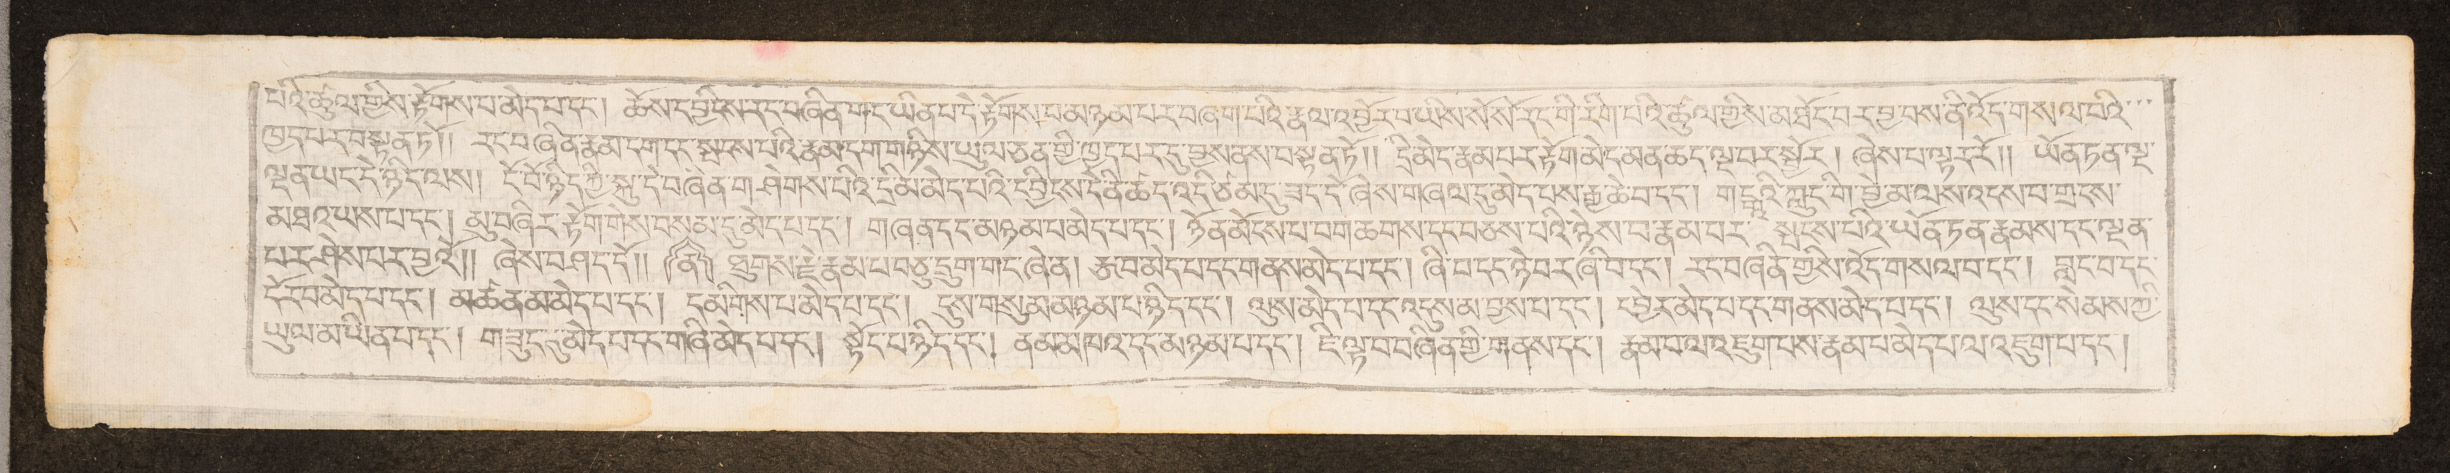པའི་ཚུལ་གྱིས་རྟོགས་པ་མེད་པ་དང་། ཆོས་དབྱིངས་རང་བཞིན་གང་ཡིན་པ་དེ་རྟོགས་པ་མཉམ་པར་བཞག་པའི་རྣལ་འབྱོར་པ་ཡིས་སོ་སོ་རང་གི་རིག་པའི་ཚུལ་གྱིས་མཐོང་བར་བྱ་བས་ནི་འོད་གསལ་བའི་
ཁྱད་པར་བསྟན་ཏོ། རང་བཞིན་རྣམ་དག་དད་སྤངས་པའི་རྣམ་དག་གཉིས་ཡུལ་ཅན་གྱི་ཁྱད་པར་དུ་བྱས་ནས་བསྟན་ཏོ། །དྲི་མེད་རྣམ་པར་རྟོག་མེད་མན་ཆད་ལྔ་བར་སྦྱོར། ཞེས་པ་ལྟར་རོ། །ཡོན་ཏན་ལྔ་
ལྡན་ཡང་དེ་ཉིད་ལས། ངོ་བོ་ཉིད་ཀྱི་སྐུ་དེ་བཞིན་གཤེགས་པའི་དྲི་མ་མེད་པའི་དབྱིངས་དེ་ནི་ཚད་འདི་ཙམ་དུ་ཟད་དོ་ཞེས་གཞལ་དུ་མེད་པས་རྒྱ་ཆེ་བ་དང་། གངྒཱའི་ཀླུང་གི་བྱེ་མ་ལས་འདས་པ་གྲངས་
མཐའ་ཡས་པ་དང་། མུ་བཞིར་རྟོག་གེས་བསམ་དུ་མེད་པ་དང་། གཞན་དང་མཉམ་པ་མེད་པ་དང་། ཉོན་མོངས་པ་བག་ཆགས་དང་བཅས་པའི་ཉེས་པ་རྣམ་པར་སྤངས་པའི་ཡོན་ཏན་རྣམས་དང་ལྡན་
པར་ཤེས་པར་བྱའོ། །ཞེས་བཤད་དོ།། ༼༽ན༼༽ ཐུགས་རྗེ་རྣམ་པ་བཅུ་དྲུག་གང་ཞེ་ན། རྩ་བ་མེད་པ་དང་གནས་མེད་པ་དང་། ཞི་བ་དང་ཉེ་བར་ཞི་བ་དང་། རང་བཞིན་གྱིས་འོད་གསལ་བ་དང་། བླང་བ་དང་
དོར་བ་མེད་པ་དང་། མཚན་མ་མེད་པ་དང་། དམིགས་པ་མེད་པ་དང་། དུས་གསུམ་མཉམ་པ་ཉིད་དང་། ལུས་མེད་པ་དང་འདུས་མ་བྱས་པ་དང་། དབྱེར་མེད་པ་དང་གནས་མེད་པ་དང་། ལུས་དང་སེམས་ཀྱི་
ཡུལ་མ་ཡིན་པ་དང་། གཟུང་དུ་མེད་པ་དང་གཞི་མེད་པ་དང་། སྟོང་པ་ཉིད་དང་། ནམ་མཁའ་དང་མཉམ་པ་དང་། ཇི་ལྟ་བ་བཞིན་གྱི་གནས་དང་། རྣམ་པ་ལ་འཇུག་པས་རྣམ་པ་མེད་པ་ལ་འཇུག་པ་དང་།